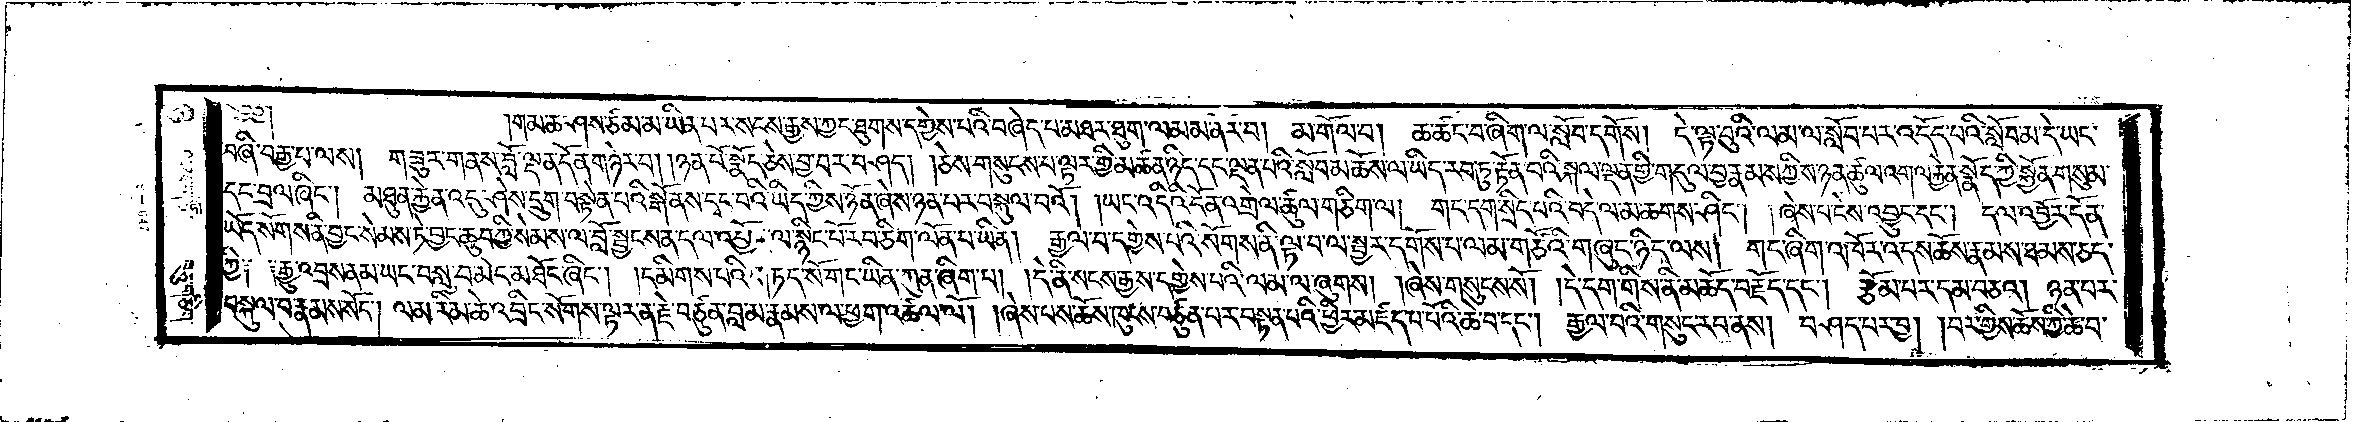༄༅། །གམ་ཆ་ཤས་ཙམ་མ་ཡིན་པར་སངས་རྒྱས་ཀྱང་ཐུགས་དགྱེས་པའི་བཞེད་པ་མཐར་ཐུག་ལམ་མ་ནོར་བ། མ་གོལ་བ། ཆ་ཚང་བ་ཞིག་ལ་སློབ་དགོས། དེ་ལྟ་བུའི་ལམ་ལ་སློབ་པར་འདོད་པའི་སློབ་མ་དེ་ཡང་
བཞི་བརྒྱ་པ་ལས། གཟུར་གནས་བློ་ལྡན་དོན་གཉེར་བ། །ཉན་པོ་སྣོད་ཅེས་བྱ་བར་བཤད། །ཅེས་གསུངས་པ་ལྟར་གྱི་མཚན་ཉིད་དང་ལྡན་པའི་སློབ་མ་ཆོས་ལ་ཡིད་རབ་ཏུ་རྟོན་པའི་སྐལ་ལྡན་གྱི་གདུལ་བྱ་རྣམས་ཀྱིས་ཉན་ཚུལ་འགལ་རྐྱེན་སྣོད་ཀྱི་སྐྱོན་གསུམ་
དང་བྲལ་ཞིང་། མཐུན་རྐྱེན་འདུ་ཤེས་དྲུག་བསྟེན་པའི་སྒོ་ནས་དྭང་བའི་ཡིད་ཀྱིས་ཉོན་ཞེས་ཉན་པར་བསྐུལ་བའོ། །ཡང་འདིའི་དོན་འགྲེལ་ཚུལ་གཅིག་ལ། གང་དག་སྲིད་པའི་བདེ་ལ་མ་ཆགས་ཤིང་། །ཞེས་པ་ངེས་འབྱུང་དང་། དལ་འབྱོར་དོན་
ཡོད་སོགས་ནི་བྱང་སེམས་ཏེ་བྱང་ཆུབ་ཀྱི་སེམས་ལ་བློ་སྦྱངས་ན་དལ་འབྱོར་ལ་སྙིང་པོ་རབ་ཅིག་ལོན་པ་ཡིན། རྒྱལ་བ་དགྱེས་པའི་སོགས་ནི་ལྟ་བ་ལ་སྦྱར་དགོས་པ་ལམ་གཙོའི་གཞུང་ཉིད་ལས། གང་ཞིག་འཁོར་འདས་ཆོས་རྣམས་ཐམས་ཅད་
ཀྱི༑ ༑རྒྱུ་འབྲས་ནམ་ཡང་བསླུ་བ་མེད་མཐོང་ཞིང་། །དམིགས་པའི་གཏད་སོ་གང་ཡིན་ཀུན་ཞིག་པ། །དེ་ནི་སངས་རྒྱས་དགྱེས་པའི་ལམ་ལ་ཞུགས། །ཞེས་གསུངས་སོ། །དེ་དག་གིས་ནི་མཆོད་བརྗོད་དང་། རྩོམ་པར་དམ་བཅའ། ཉན་པར་
བསྐུལ་བ་རྣམས་སོང་། ལམ་རིམ་ཆེ་འབྲིང་སོགས་ལྟར་ན་རྗེ་བཙུན་བླ་མ་རྣམས་ལ་ཕྱག་འཚལ་ལོ། །ཞེས་པས་ཆོས་ཁུངས་བཙུན་པར་བསྟན་པའི་ཕྱིར་མཛད་པ་པོའི་ཆེ་བ་དང་། རྒྱལ་བའི་གསུང་རབ་ནས། བཤད་པར་བྱ། །བར་གྱིས་ཆོས་ཀྱི་ཆེ་བ་